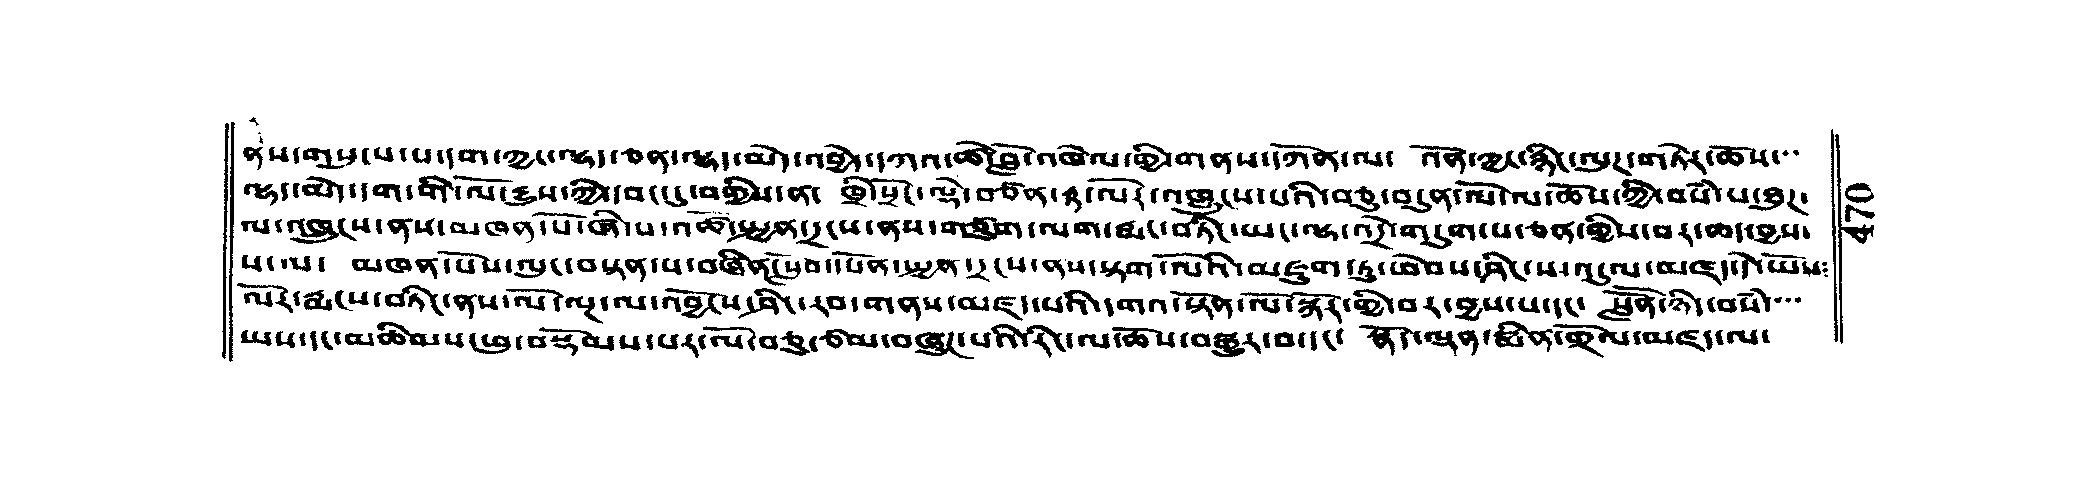ནས་གསུངས་པ་དག་ཀྱང་ལྷད་ཅན་ལྷད་མེད་འབྱེད་དཀའ་ཚེ་བློ་འཁེལ་གྱི་གནས་དཀོན་ལ། འོན་ཀྱང་རྙིང་ལུགས་གཏེར་ཆོས་
ལྷད་མེད་དག་གི་ལོ་རྒྱུས་ཀྱི་དབང་དུ་བགྱིས་ན། ཁྲི་སྲོང་ལྡེའུ་བཙན་རྟ་ལོར་འཁྲུངས་པའི་བཅུ་བདུན་ལོ་ལ་ཆོས་ཀྱི་བསམ་པ་ཐུགས་
ལ་འཁྲུངས་ནས་མཁན་པོ་ཞི་བ་འཚོ་སྤྱན་དྲངས་ནས་གཙུག་ལག་རྨངས་བཏིང་ཡང་ལྷ་འདྲེ་གདུག་པ་ཅན་གྱིས་བར་ཆད་བྱས་
པ་ལ། མཁན་པོས་ལུང་བསྟན་པ་བཞིན་སློབ་དཔོན་སྤྱན་དྲངས་ནས་སྟག་ལོའི་མཇུག་ཏུ་ཕེབས་ཤིང་ས་འདུལ་མཛད་དེ་ཡོས་
ལོར་རྨངས་བཏིང་ནས་ལོ་ལྔ་ལ་འབྱོངས་ཤིང་རབ་གནས་མཛད་པའི་དགའ་སྟོན་ལོ་སྐོར་གྱི་བར་བྱས་པ་དང་། སློབ་དཔོན་ཉིད་བསམ་
ཡས་དང་མཆིམས་ཕུ་བསྡོམས་པར་ལོ་བཅུ་ཙམ་བཞུགས་པའི་རིང་ལ་ཆོས་བསྒྱུར་བ་དང་། སྣོད་ལྡན་སྨིན་གྲོལ་མཛད་ལ།